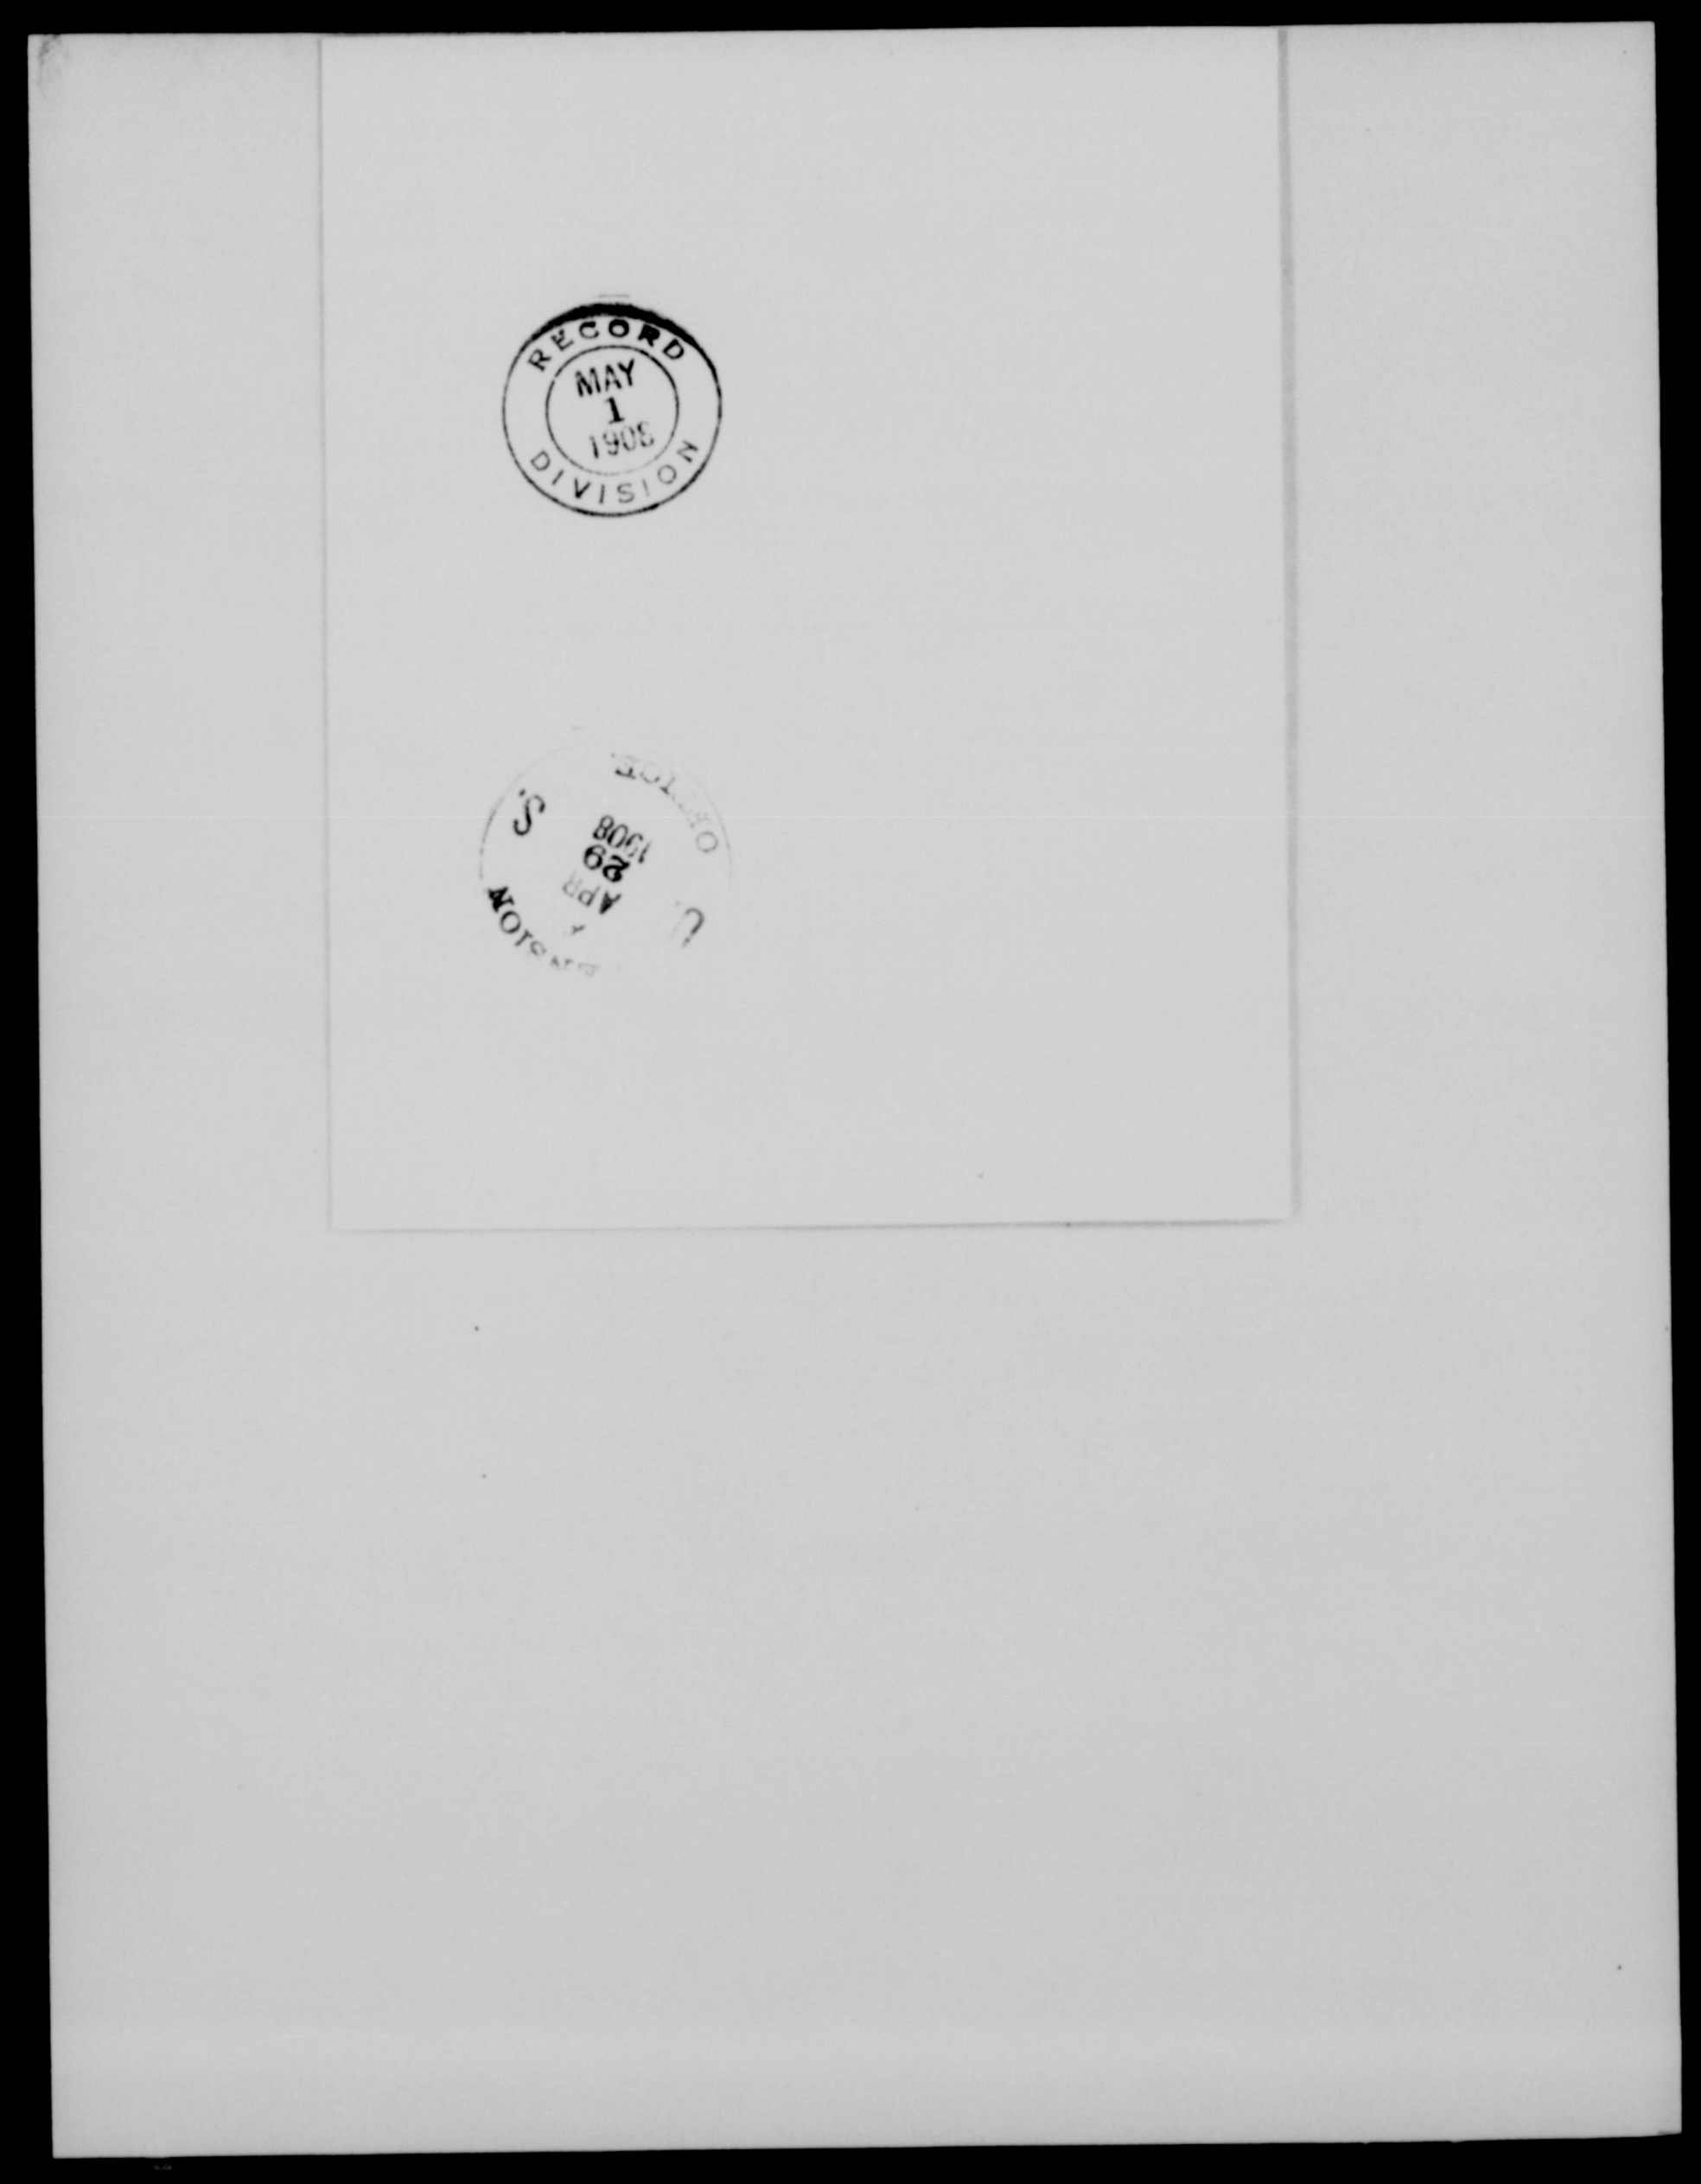*stamp* 
Record Division 
May 1 1908

*stamp*
Pension Office
Apr 29 1908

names: [BLANK]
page: 39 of 70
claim: rejected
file: R. 10,026, for Ephraim Squier, Connecticut